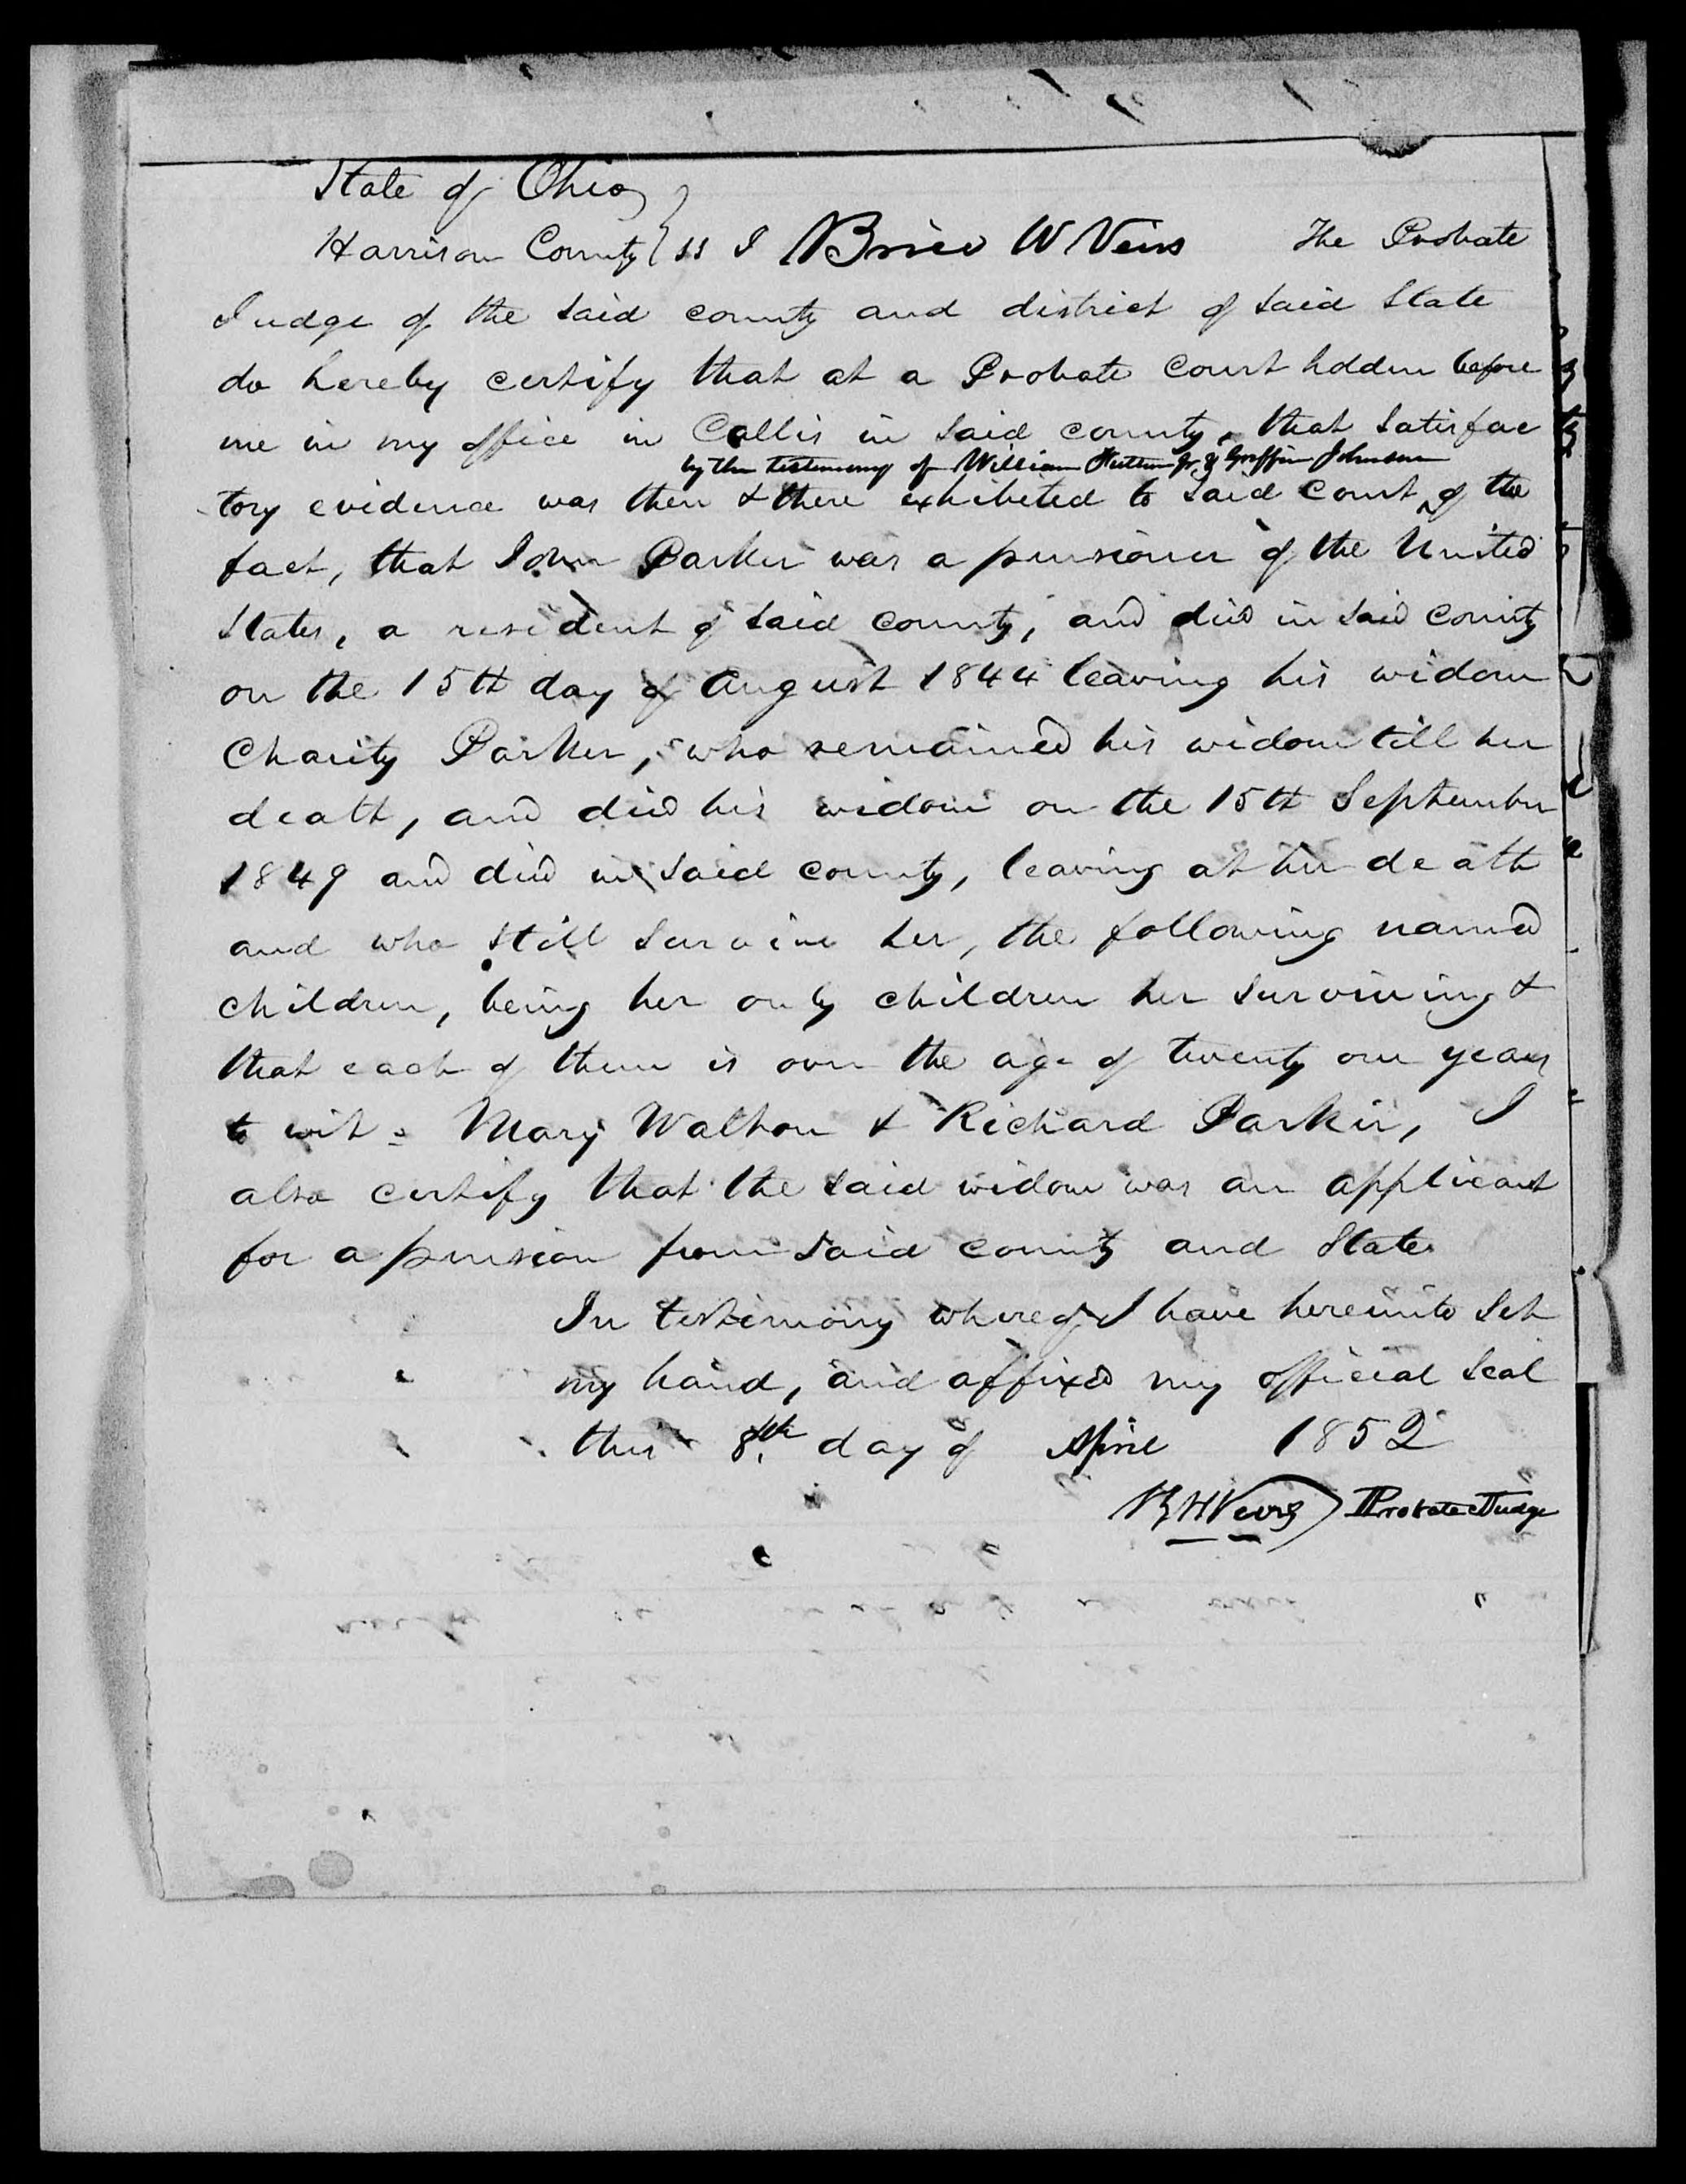State of Ohio }
Harrison County } ss. I Brice W Viers The Probate Judge of the said county and district of said State do hereby certify that as a Probate Court holden before me in my office in Cadiz in Said county, that satisfactory evidence was then by the testimony of William Fulton Esq & Griffin Johnson & there exhibited to said court of the fact, that John Parker was a pensioner of the United States, a resident of said county, and died in said county on the 15th day of August 1844 leaving his widow Charity Parker, who survived his widow till her death, and died his widow on the 15th of September 1849 and died in said county, leaving at her death and who still survive her, the following named children, being her only children her surviving & that each of them is over the age of twenty one years to wit: Mary Walton & Richard Parker, I also certify that the said widow was an applicant for a pension from said county and State.
In testimony whereof I have hereunto set my hand, and affixed my official seal this 8th day of April 1852.
//s/ Brice W. Veirs Probate Judge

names: William Fulton; John Parker; Mary Walton; Charity Parker; Brice W Veirs; Richard Parker; Griffin Johnson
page: 12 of 40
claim: widow's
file: W. 3,588, for John Parker, Pennsylvania